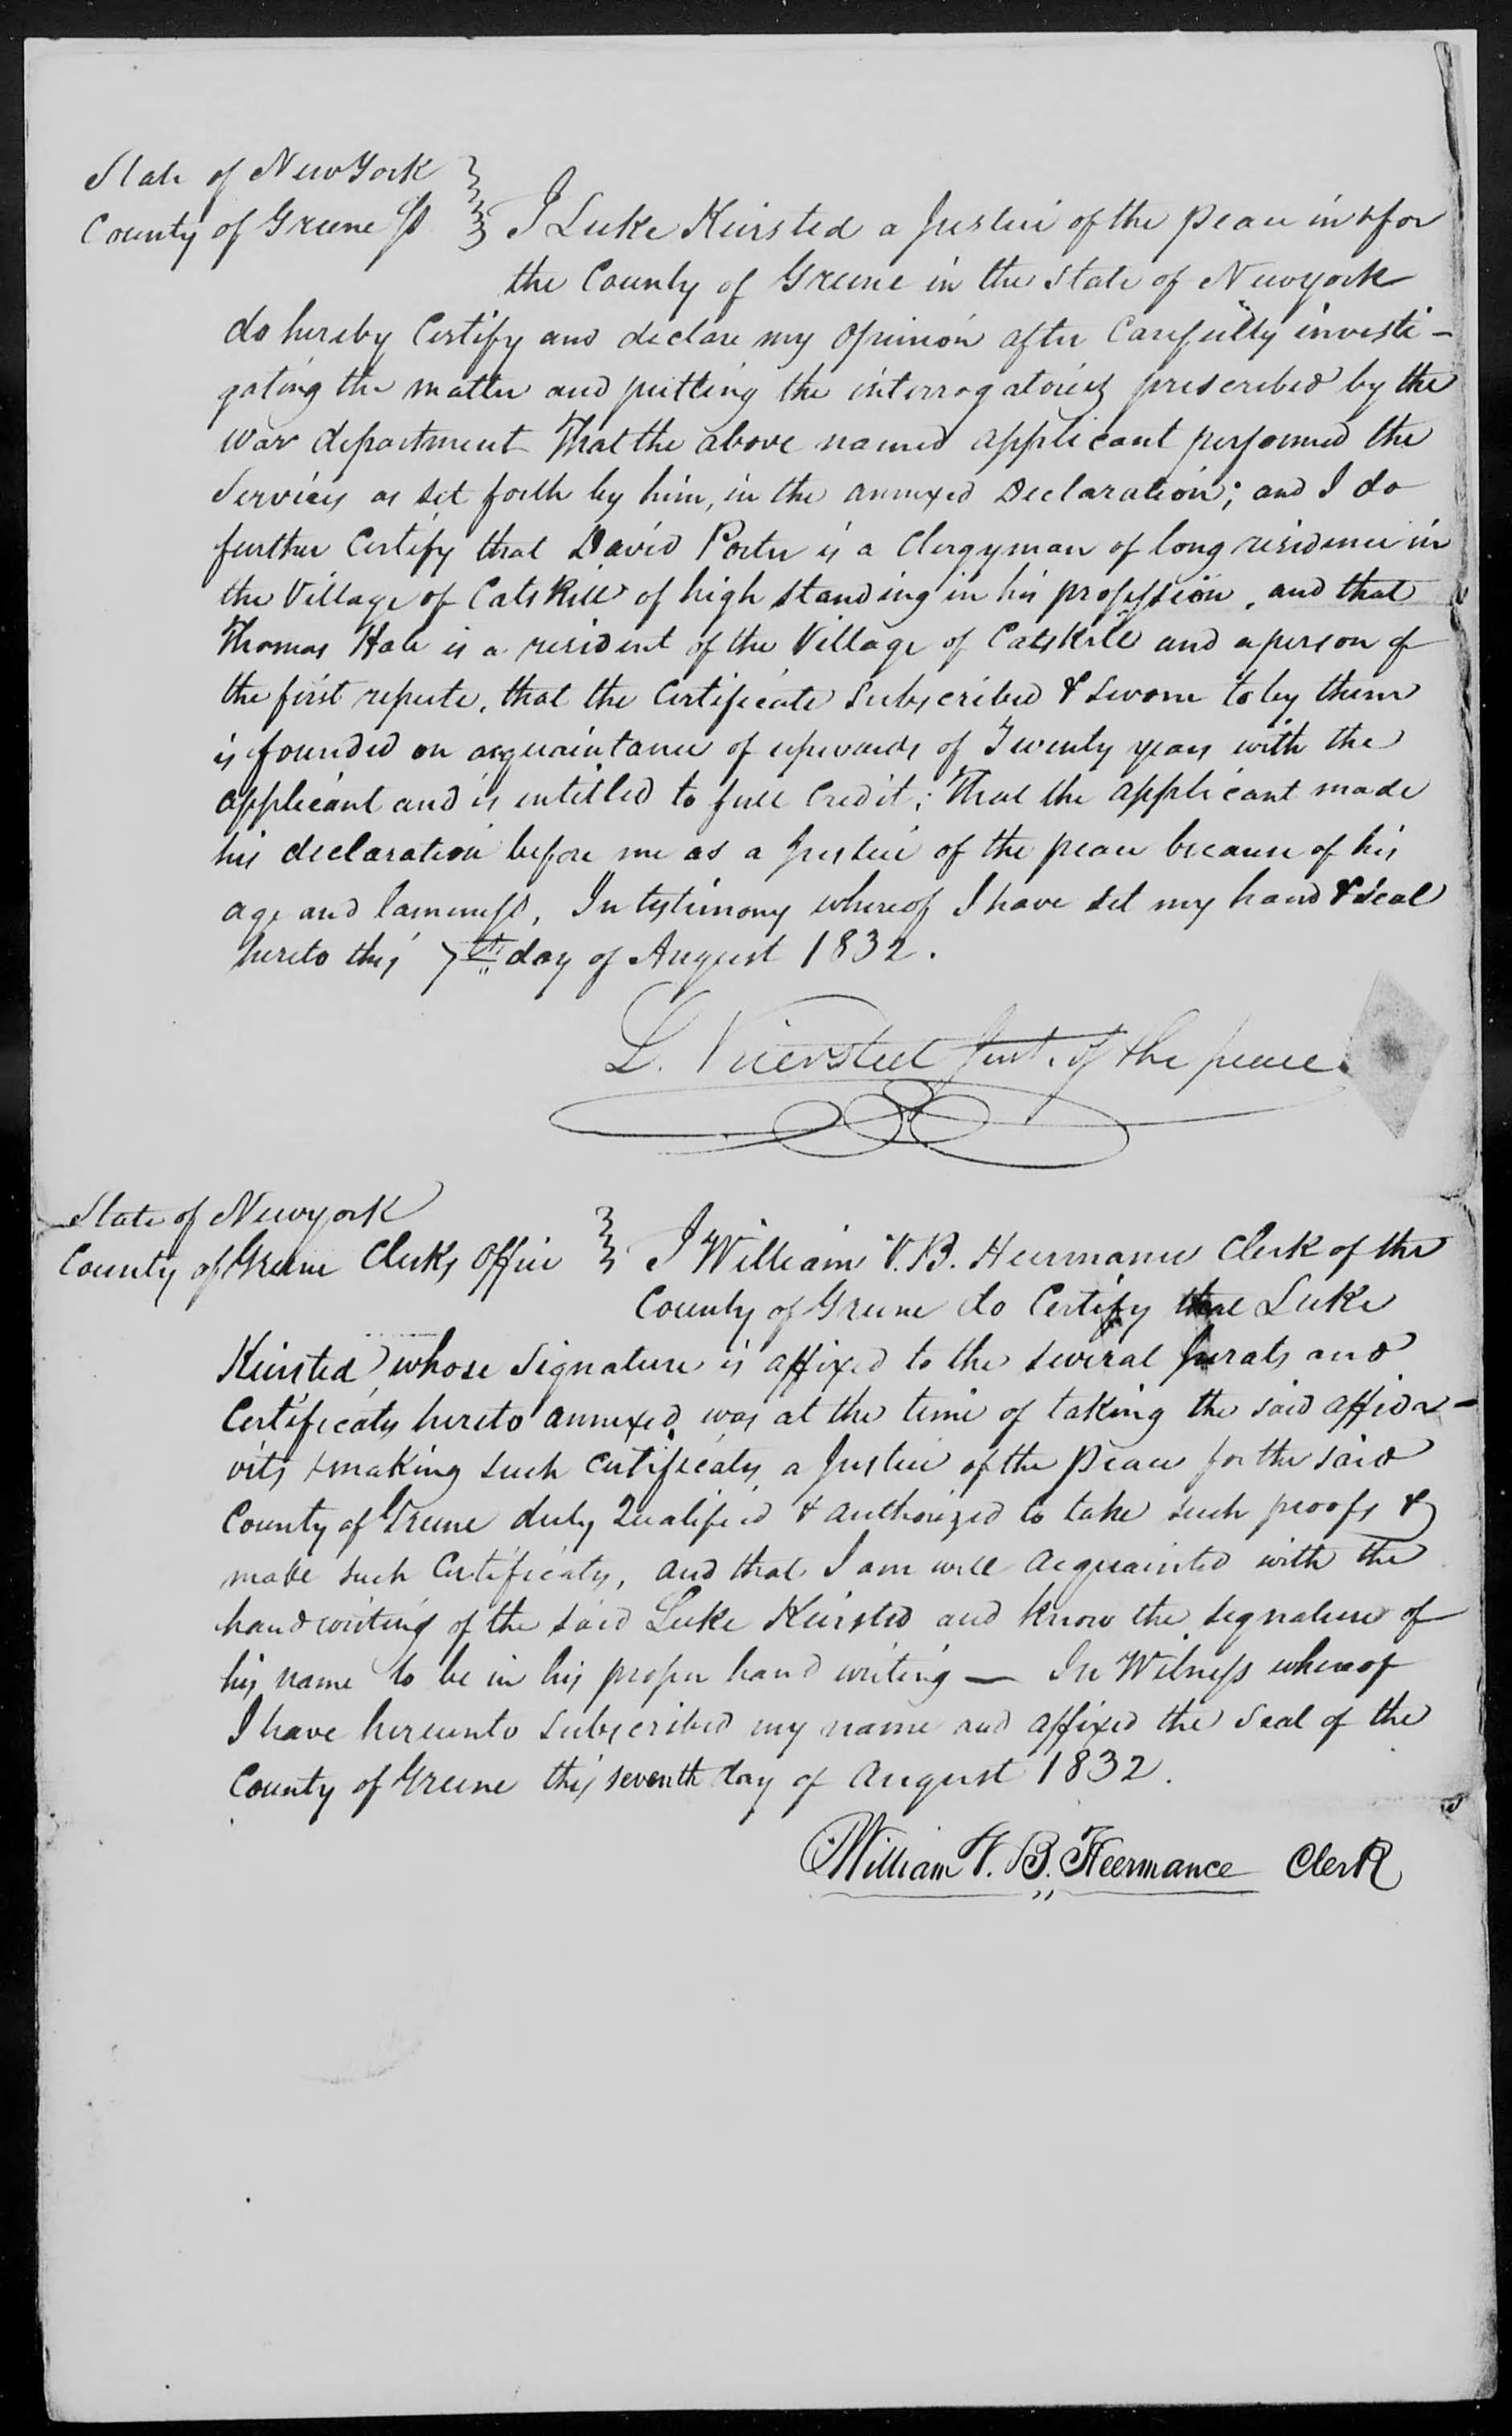State of New York
County of Geene
I Luke Keirsted a Justice of the peace in & for
the County of Greene in the State of New York
do hereby certify and declare my opinion after carefully investigating 
the matter and putting the interrogatories prescribed by the
War department that the above named applicant performed the
services as set forth by him, in the annexed Declaration; and I do
further certify that David Porter is a Clergyman of long residence in
the Village of Catskill of high standing in his profession, and that
Thomas Hale is a resident of the Village of Catskill and a person of
the first repute, that the certificate subscribed & sworn to by them
is founded on acquaintance of upwards of Twenty years with the
applicant and is entitled to full credit; That the applicant made
his declaration before me as a Justice of the peace because of his
age and lameness, In testimony whereof I have set my hand & seal
hereto this 7th day of August 1832
L. Keirsted Just. of the peace
State of New York
County of Greene Clerks office
I William V.B. Heermann Clerk of the
County of Greene do certify that Luke
Keinsted whose signature is affixed to the several jurats and
Certificates hereto annexed was at the time of taking the said affidavits
making such certificate a Justice of the peace for the said
County of Greene duly qualified & authorized to take such proofs &
make such certificate, and that I am well acquainted with the
hand writing of the said Luke Keirsted and know the signature of
his name to be in his proper hand writing. In Witness whereof
I have hereunto subscribed my name and affixed the Seal of the
County of Greene this seventh day of August 1832
William W. B. Heermance Clerk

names: Thomas Hale, Luke Keirsted, David Porter, William V B Heermance, Luke Keirsted, L Kiersted, Luke Kiersted, William V B Heermance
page: 6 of 21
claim: survivor's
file: S. 23,128, David Blake, Conn.